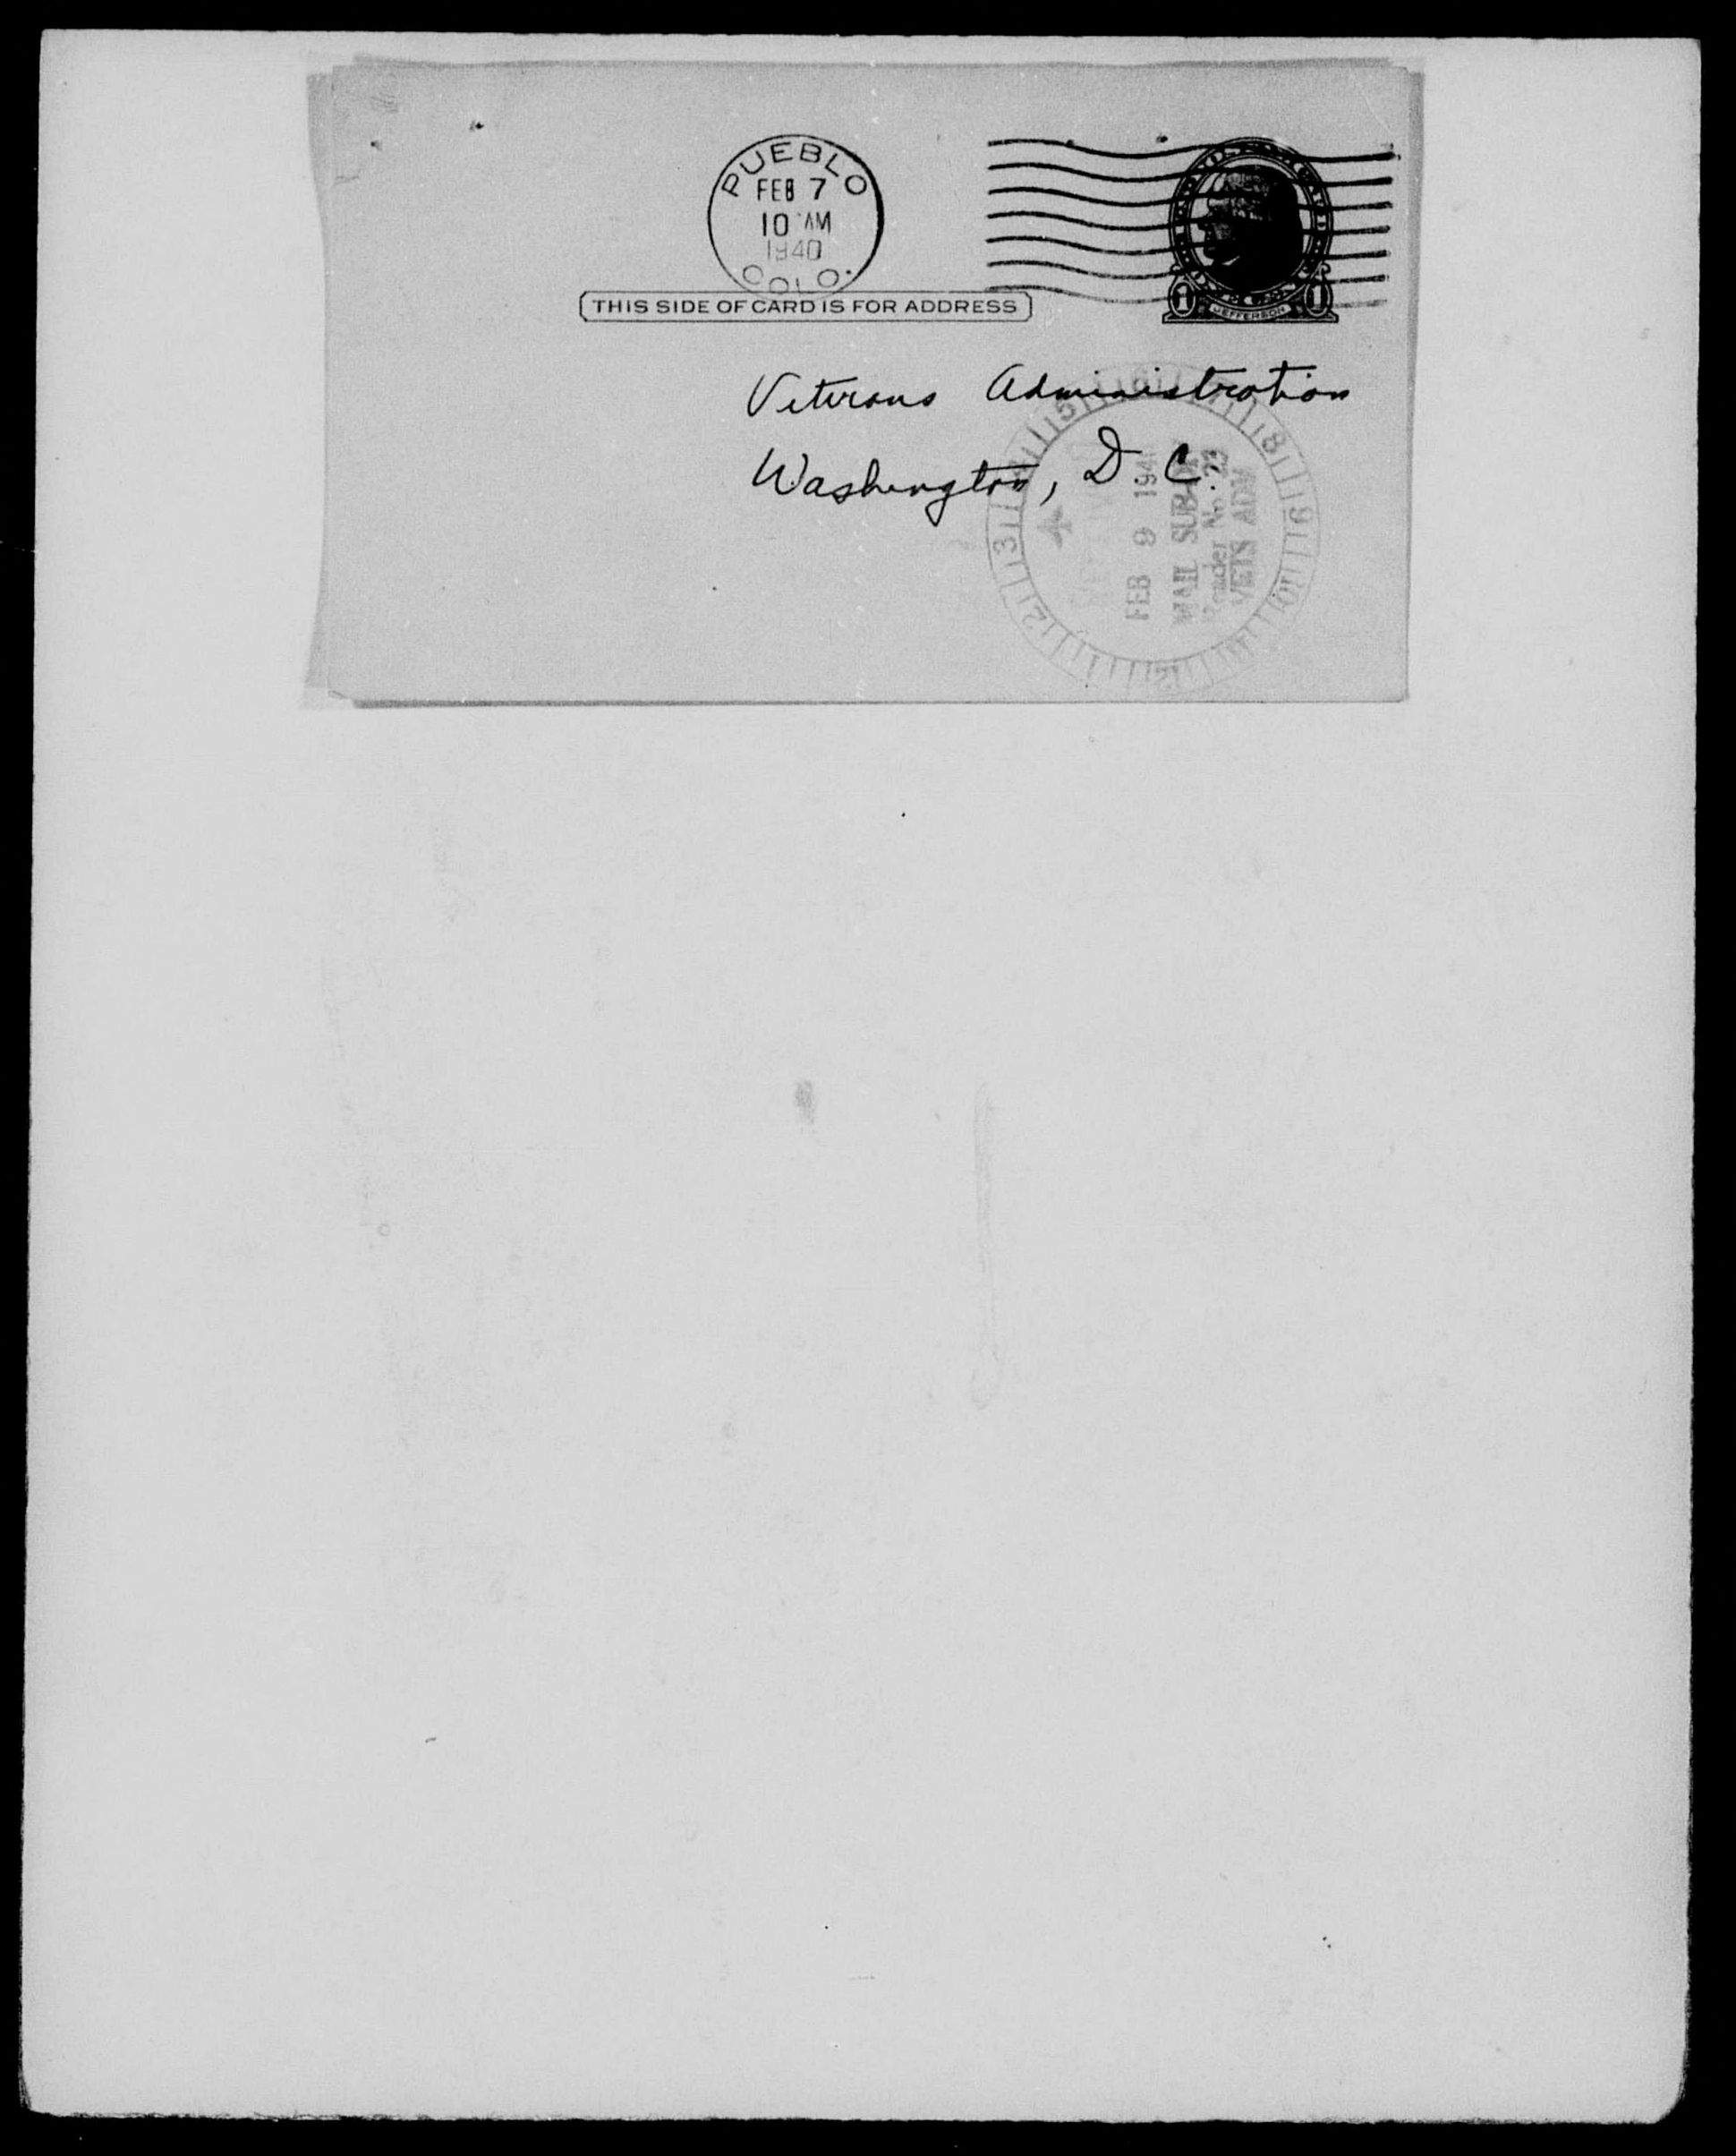[circular stamp mark with "PUEBLO FEB 7 10 AM 1940 COLO."]

THIS SIDE OF CARD IS FOR ADDRESS

Veterans Administration
Washington, D. C.

[faded stamp mark with "FEB 9 1940 MAIL SUB[illegible] VETS ADM"]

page: 57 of 72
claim: widow's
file: W. 7771, Stephen Holmes, Vt.